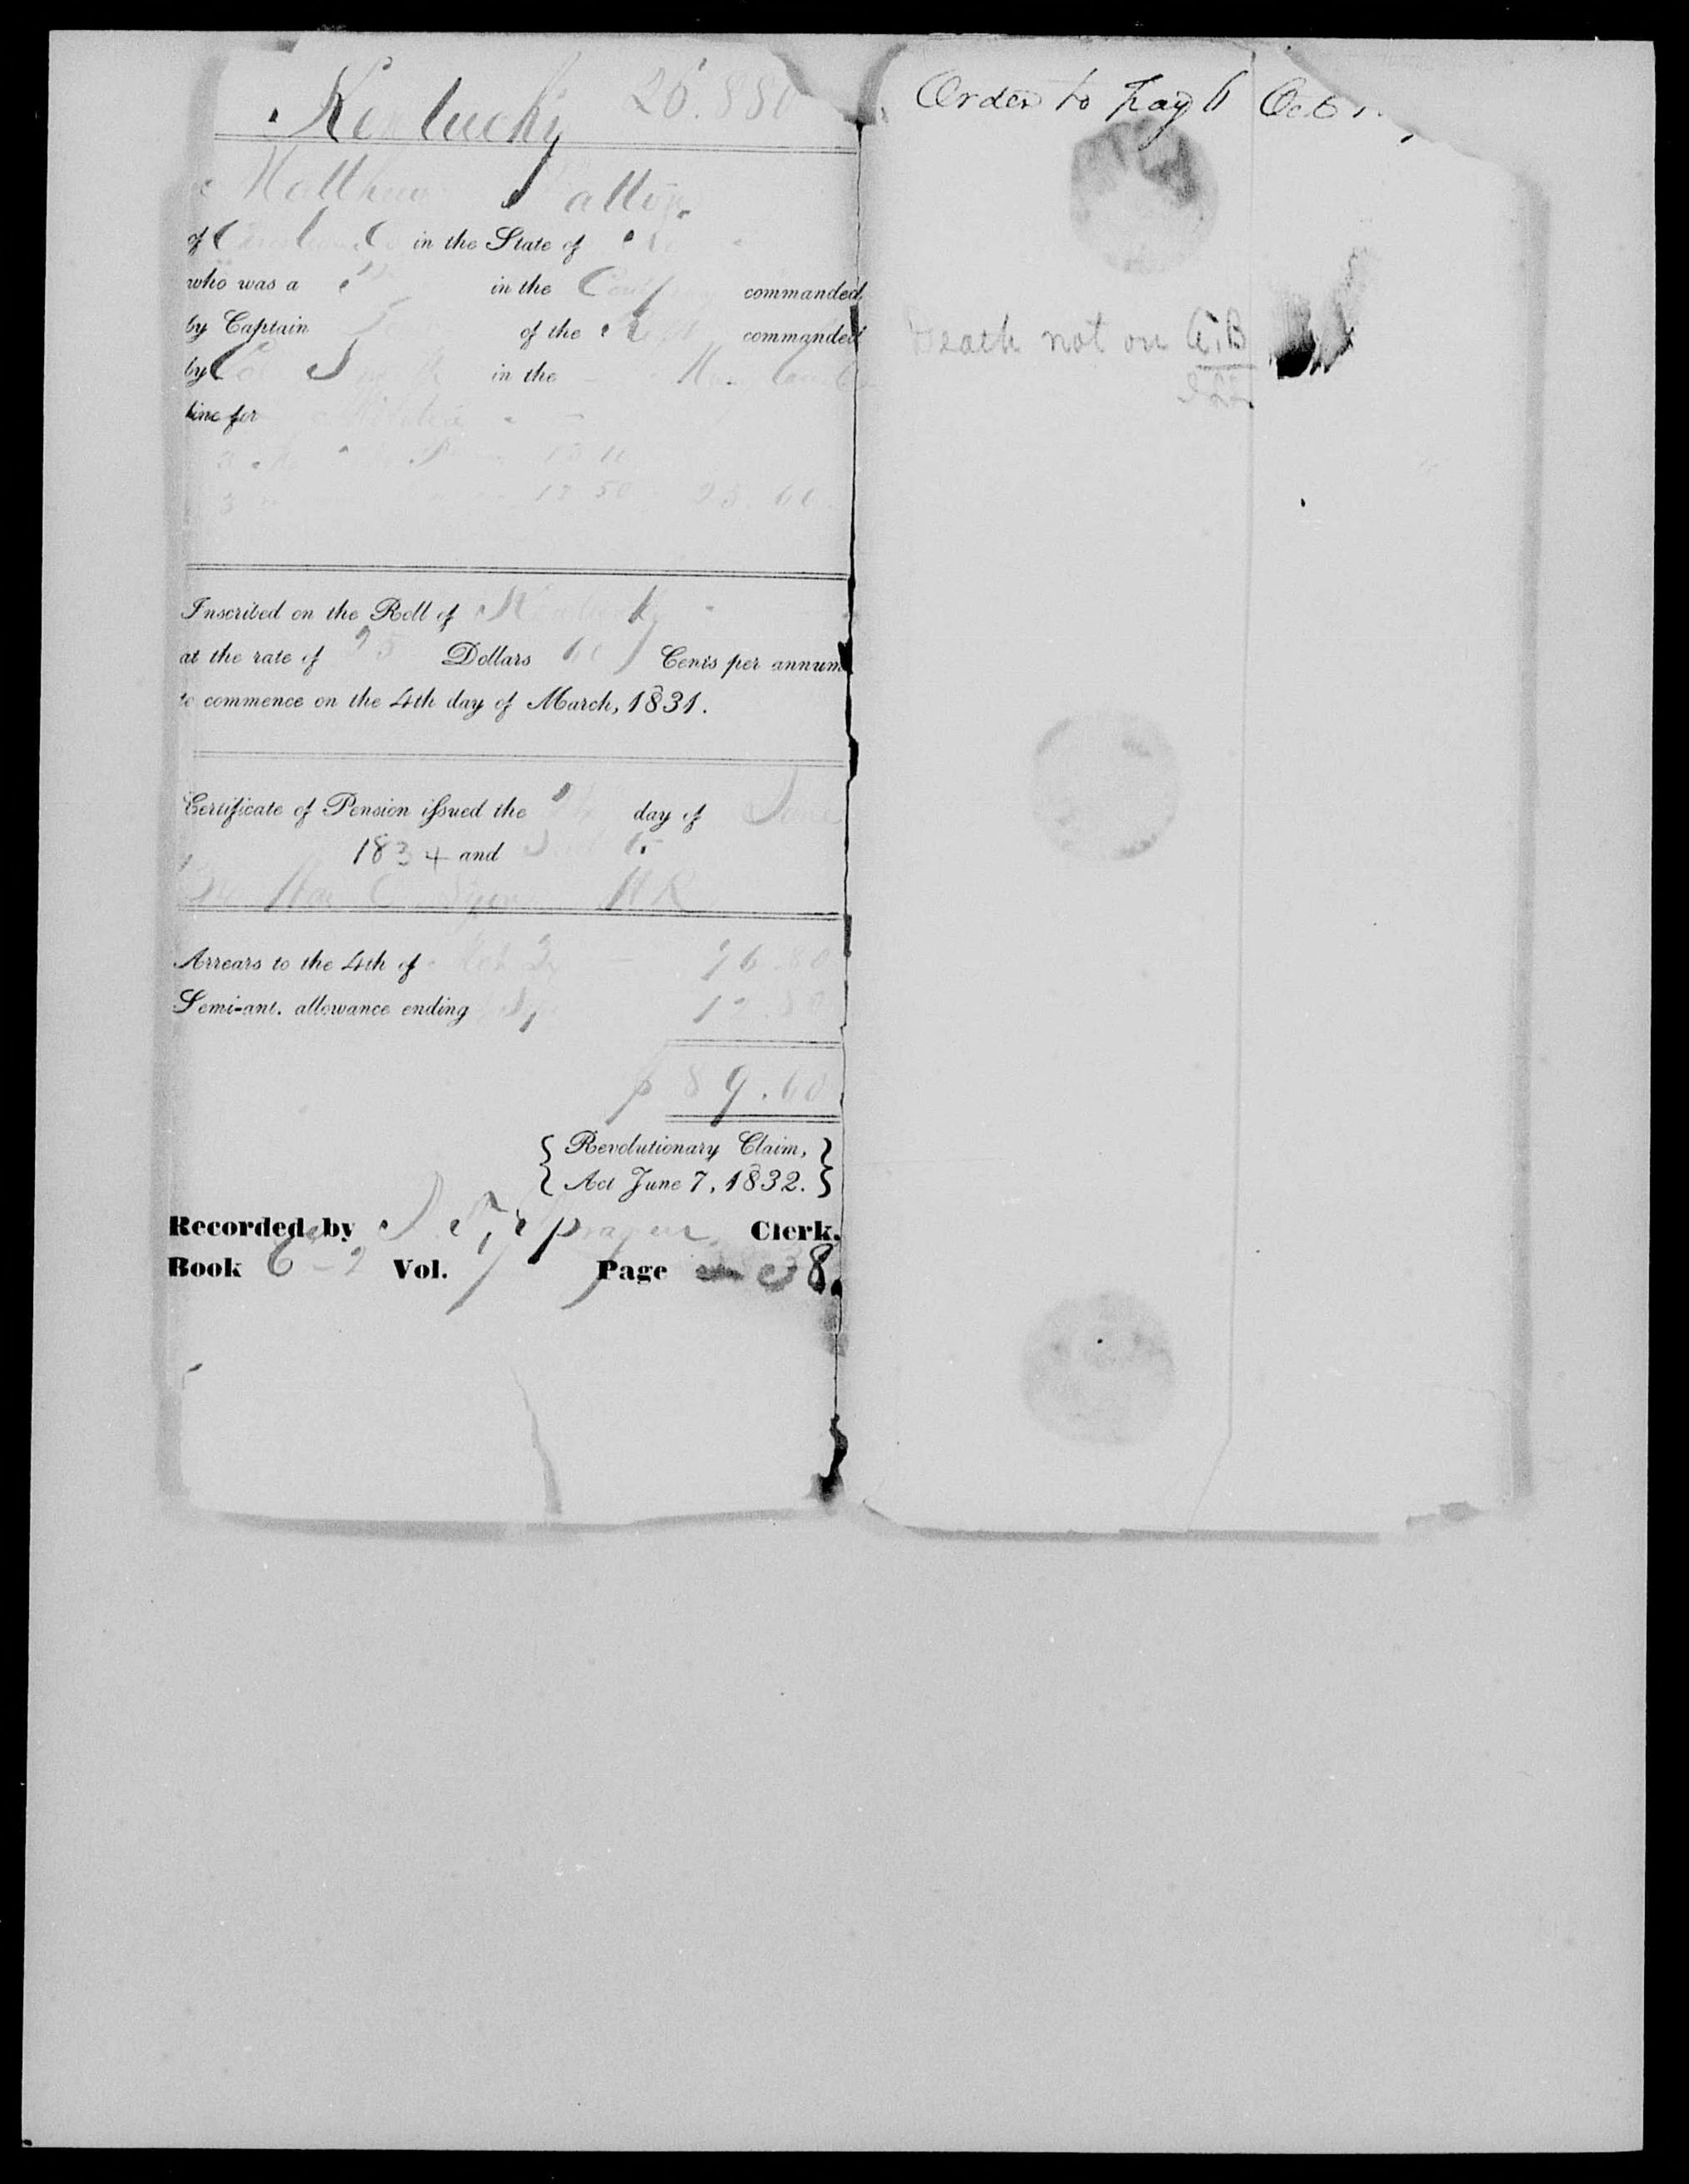Kentucky
26.880
Matthew Patton
of Cumberland in the State of Ky
who was a [illegible] in the Company commanded
by Captain [] of the Regt commanded
by Col [] in the state of Maryland
line for Militia
[]  18.10
[]  17.50   25.60
Inscribed on the Role of Kentucky
at the rate of 25 Dollars 60 Cents per annum
to commence on the 4th day of March, 1831.
Certificate of Pension issued the 24 day of June
1834 and Sent to Hon C Lyon HR
Arrears to the 4th of Oct '24            76.80
Semi-anl. allowance ending Sep      12.80
                                                        $89.60 
                                                
 ⎨ Revolutionary Claim,
     Act June 7, 1832.
Recorded by Page, J T Sprague Clerk.
Book E.2 Vol. 7 Page 38
Order to pay b  Oct 6[missing text]
Death not on A.B/ILL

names: Matthew Patton; J T Sprague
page: 2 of 45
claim: survivor's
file: S. 31294, for Matthew Patton, Maryland